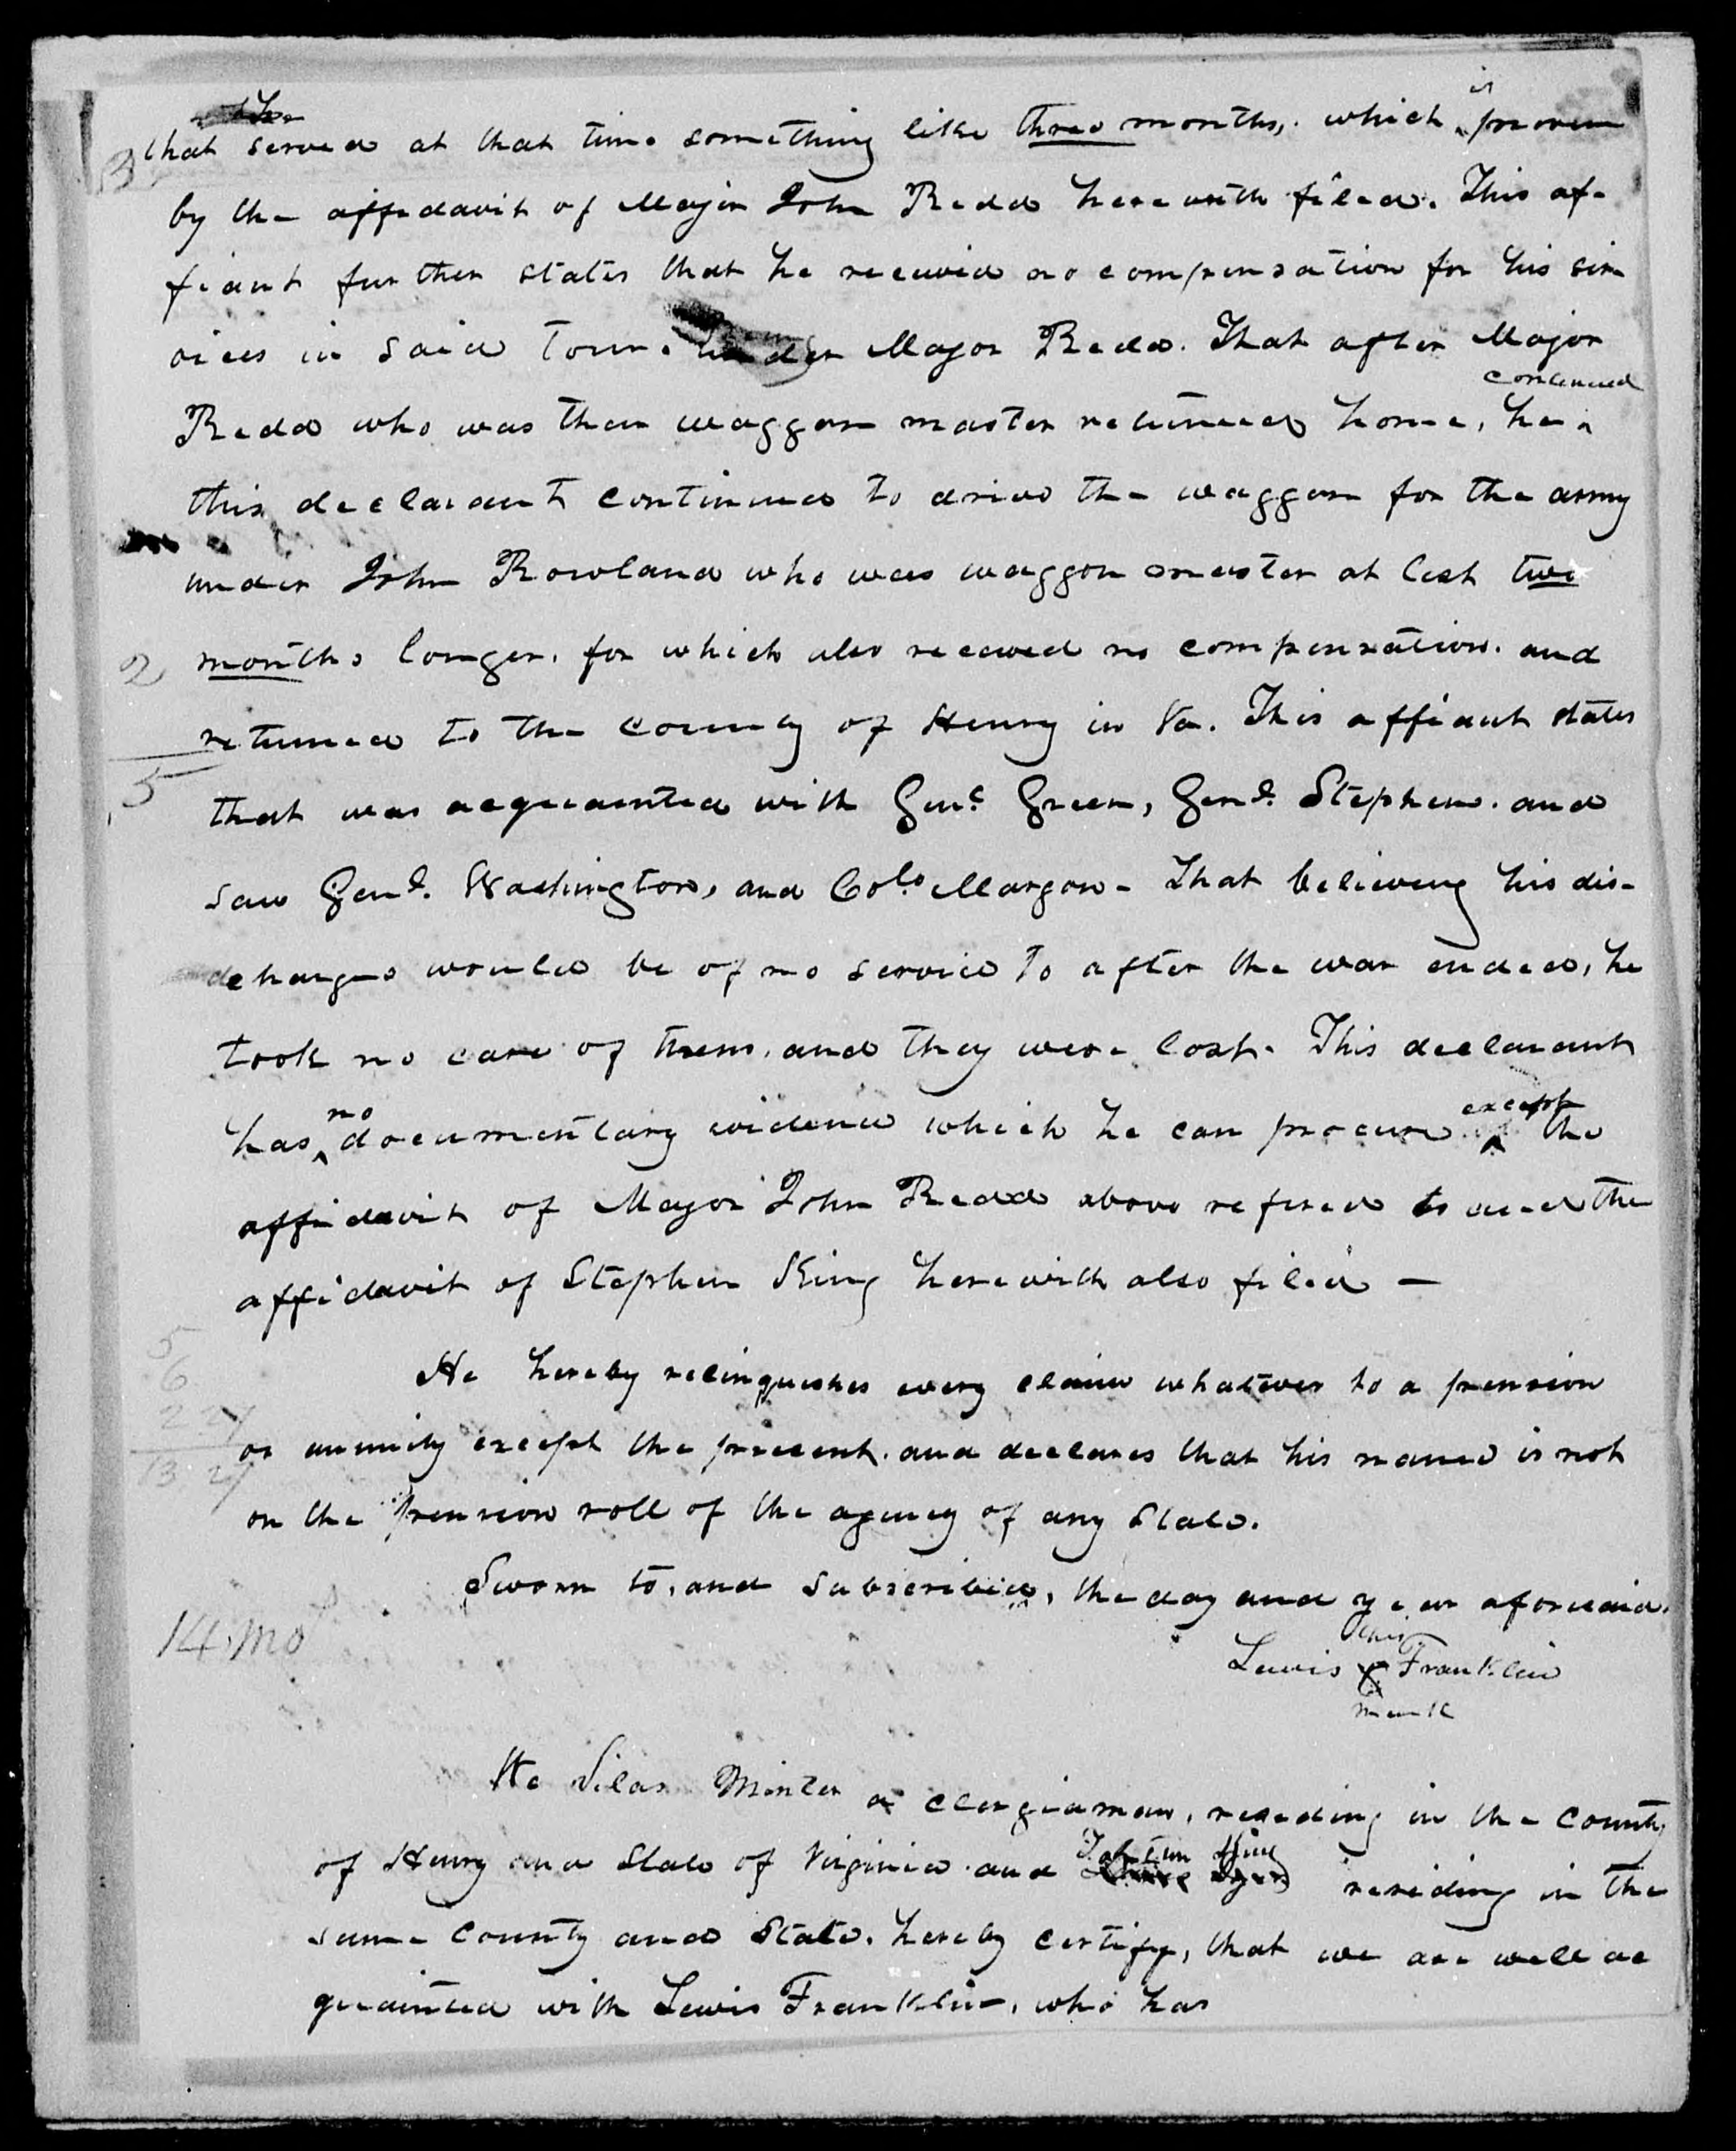that served at that time something like three months, which is proven by the affidavit of Major John Redd herewith filed. This affiant further states that he received no compensation for his services in said tour under Major Redd. That after Major Redd who was then waggon master returned home, he this declarant continued to drive the waggon for the army under John Rowland who was waggon master at lest twomonths longer for which he received no compensation and returned to the county of Henry in Va. This affiant states that was acquainted with Gen’l. Green, Gen’l. Stephens [sic: Edward Stevens], and saw Gen’l. Washington, and Colo. Morgan [Gen. Daniel Morgan]. That believing his discharges would be of no service after the war ended, he took no care of them, and they were lost. This declarant has no documentary evidence which he can procure except the affidavit of major John Redd above referred to and the affidavit of Stephen King [S5551] herewith also filed — He hereby relinquishes every claim whatever to a pension or annuity except the present and declares that his name is not on the pension roll of the agency of any state. Sworn to and subscribed the day and year aforesaid 
Lewis his X mark Franklin 

We Silas Winter a clergiaman, residing in the County
of Henry and State of Virginia and [Tarleton] King residing in the 
same County and State, hereby certify, that we are well ac
quainted with Lewis Franklin, who has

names: Silas Minter, Stephen King, John Rowland, Green, Tarleton King, Lewis Franklin, Redd, Washington, Margon, John Redd, John Redd, Stephens, Redd, Lewis Franklin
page: 5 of 20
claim: survivor's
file: S. 8519, Lewis Franklin, N.C. Va.